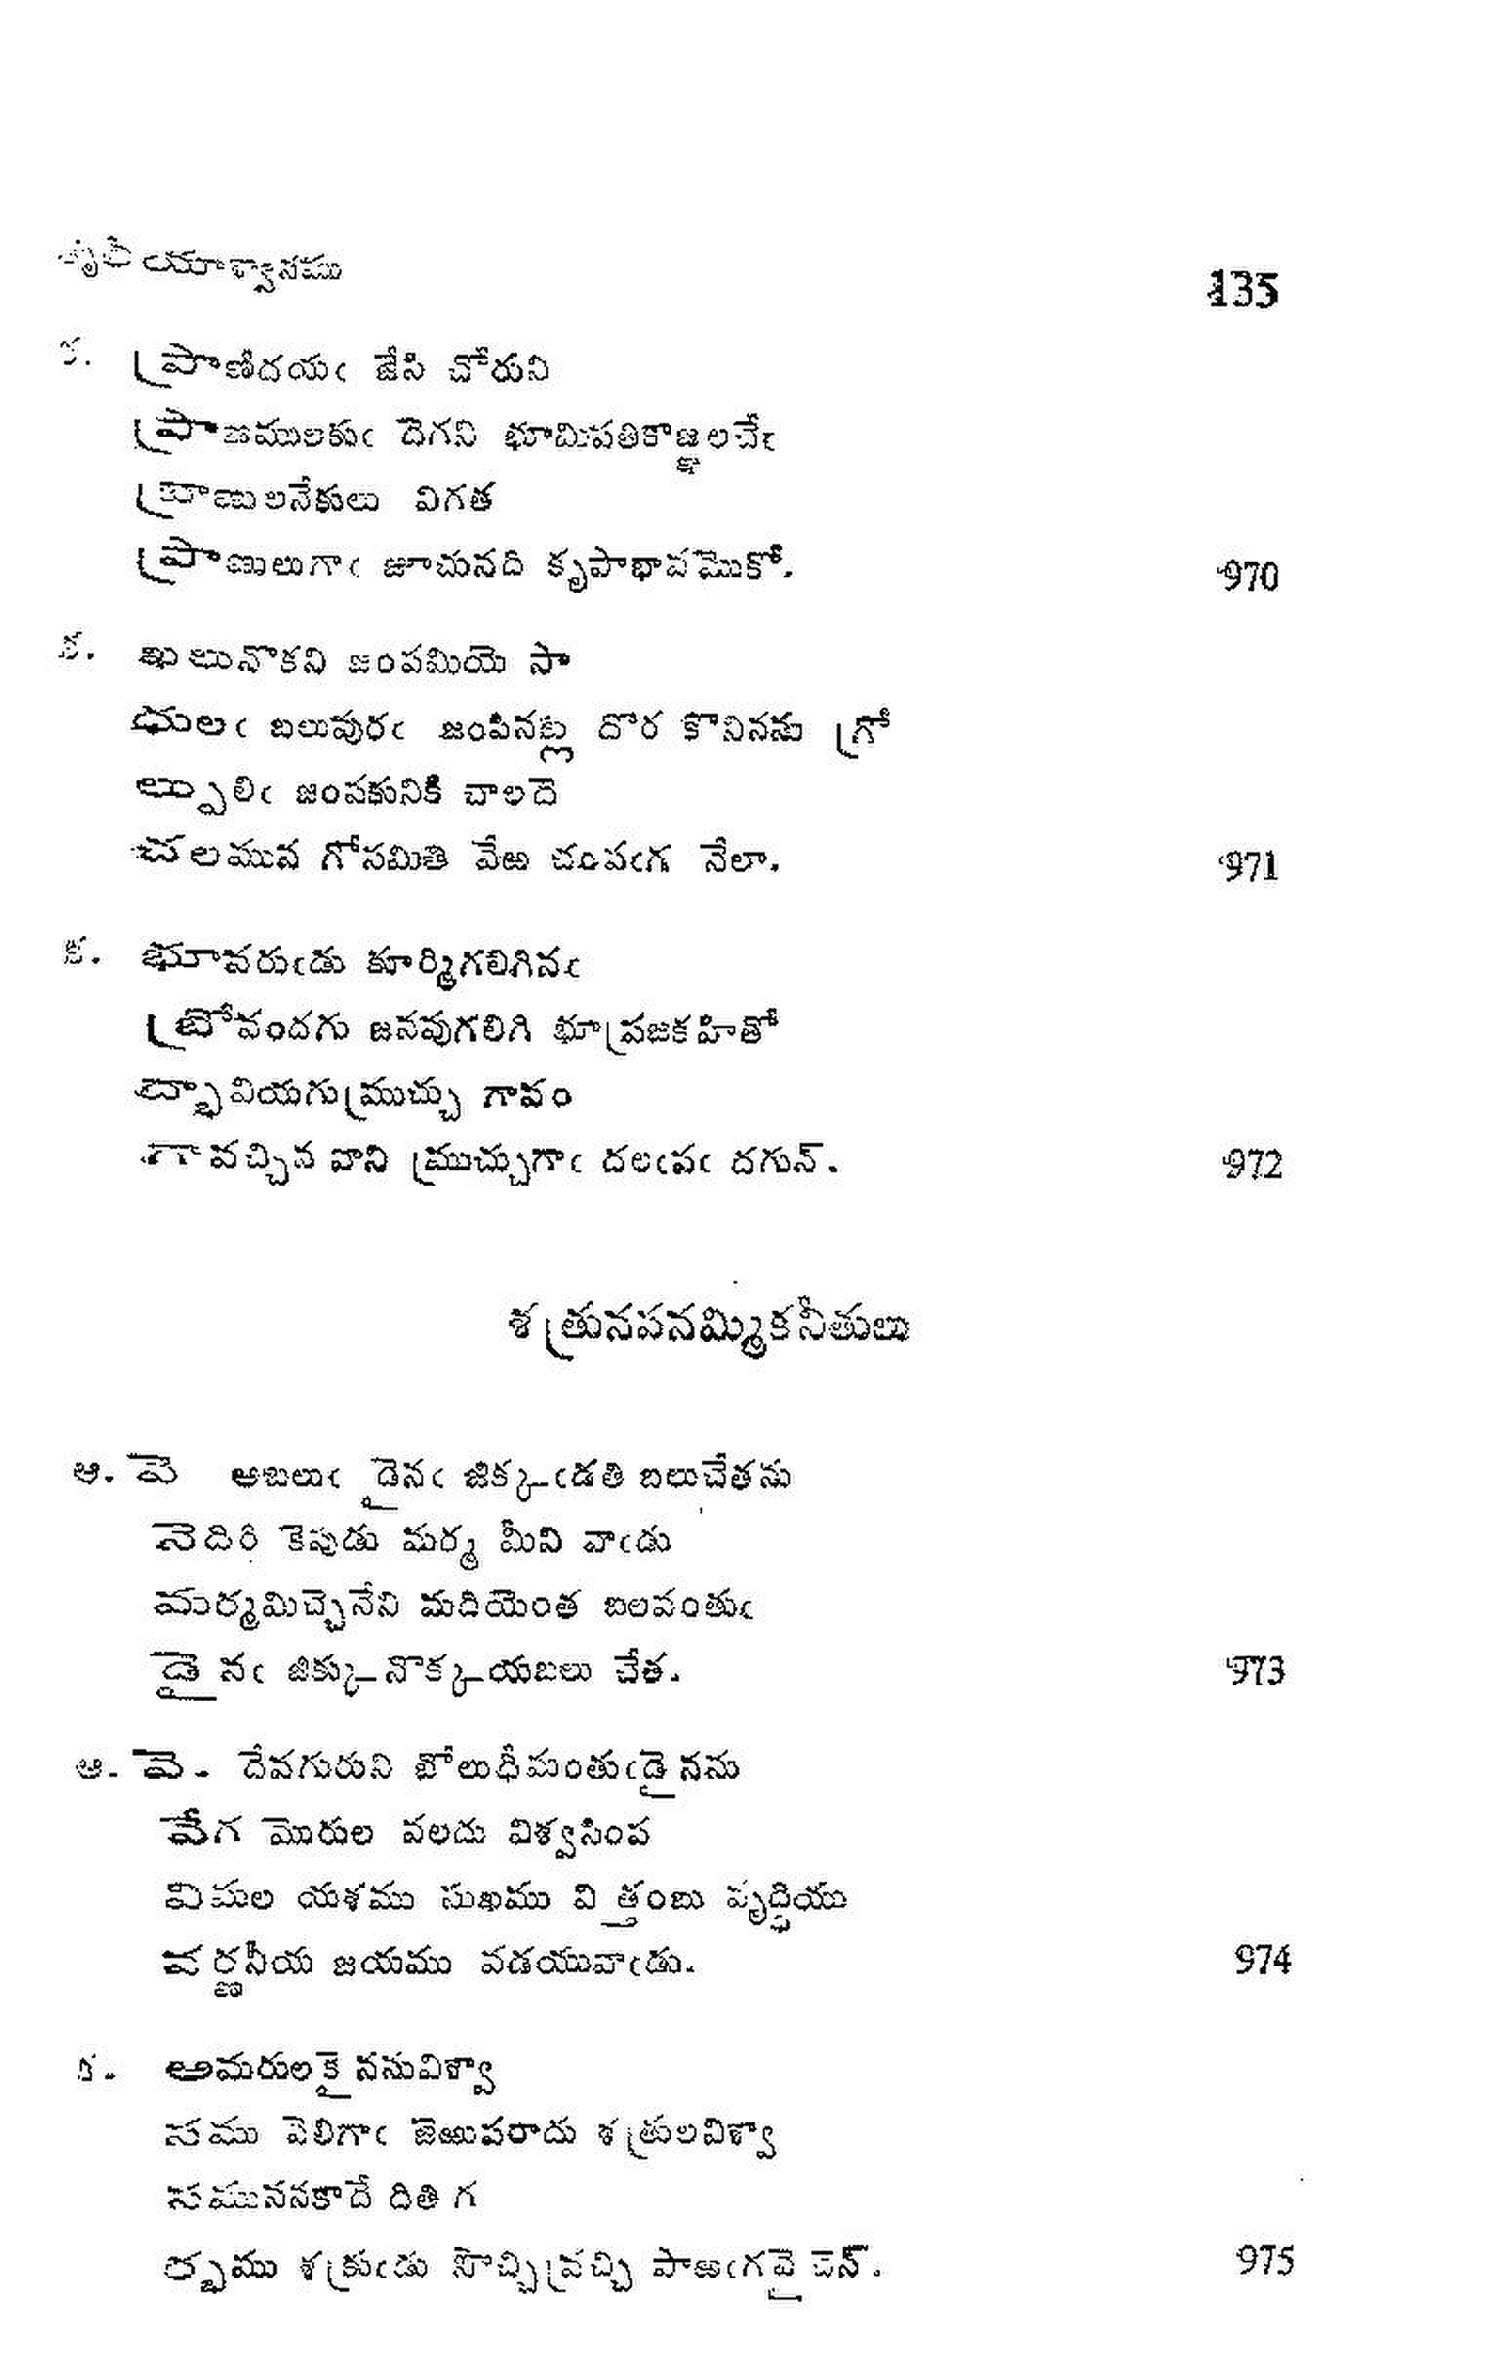క. ప్రాణిదయఁ జేసి చోరుని
ప్రాణములకుఁ దెగని భూమిపతి కాజ్ఞలచేఁ
బ్రాణులనేకులు విగత
ప్రాణులుగాఁ జూచునది కృపాభావమొకో. 970

క. ఖలునొకని జంపమియె సా
ధులఁ బలువురఁ జంపినట్ల దొర కొనినను గ్రో
ల్పులిఁ జంపసునికి చాలదె
చలమున గోసమితి వేఱ చంపఁగ నేలా. 971

క. భూవరుఁడు కూర్మి గలిగినఁ
బ్రోవందగు జనవుగలిగి భూప్రజకహితో
ద్భావియగు మ్రుచ్చు గావం
గా వచ్చినవాని మ్రుచ్చుగాఁ దలఁపఁ దగున్. 972

ఆ. అబలుఁ డైనఁ జిక్కఁ డతిబలుచేతను
నెదిరి కెపుడు మర్మ మీనివాఁడు
మర్మ మిచ్చెనేని మదియెంత బలవంతుఁ
డైనఁ జిక్కునొక్క యబలు చేత. 973

ఆ. దేవగురుని బోలు ధీమంతుఁ డైనను
వేగ మొరుల వలదు విశ్వసింప
విమల యశము సుఖము విత్తంబు వృద్ధియు
వర్ణనీయ జయము పడయువాఁడు. 974

క. అమరులకైనను విశ్వా
సము వెలిగాఁ జెఱుపరాదు శత్రులవిశ్వా
సముననకాదే దితి గ
ర్భము శక్రుఁడు సొచ్చివ్రచ్చి పాఱఁగవైచెన్. 975